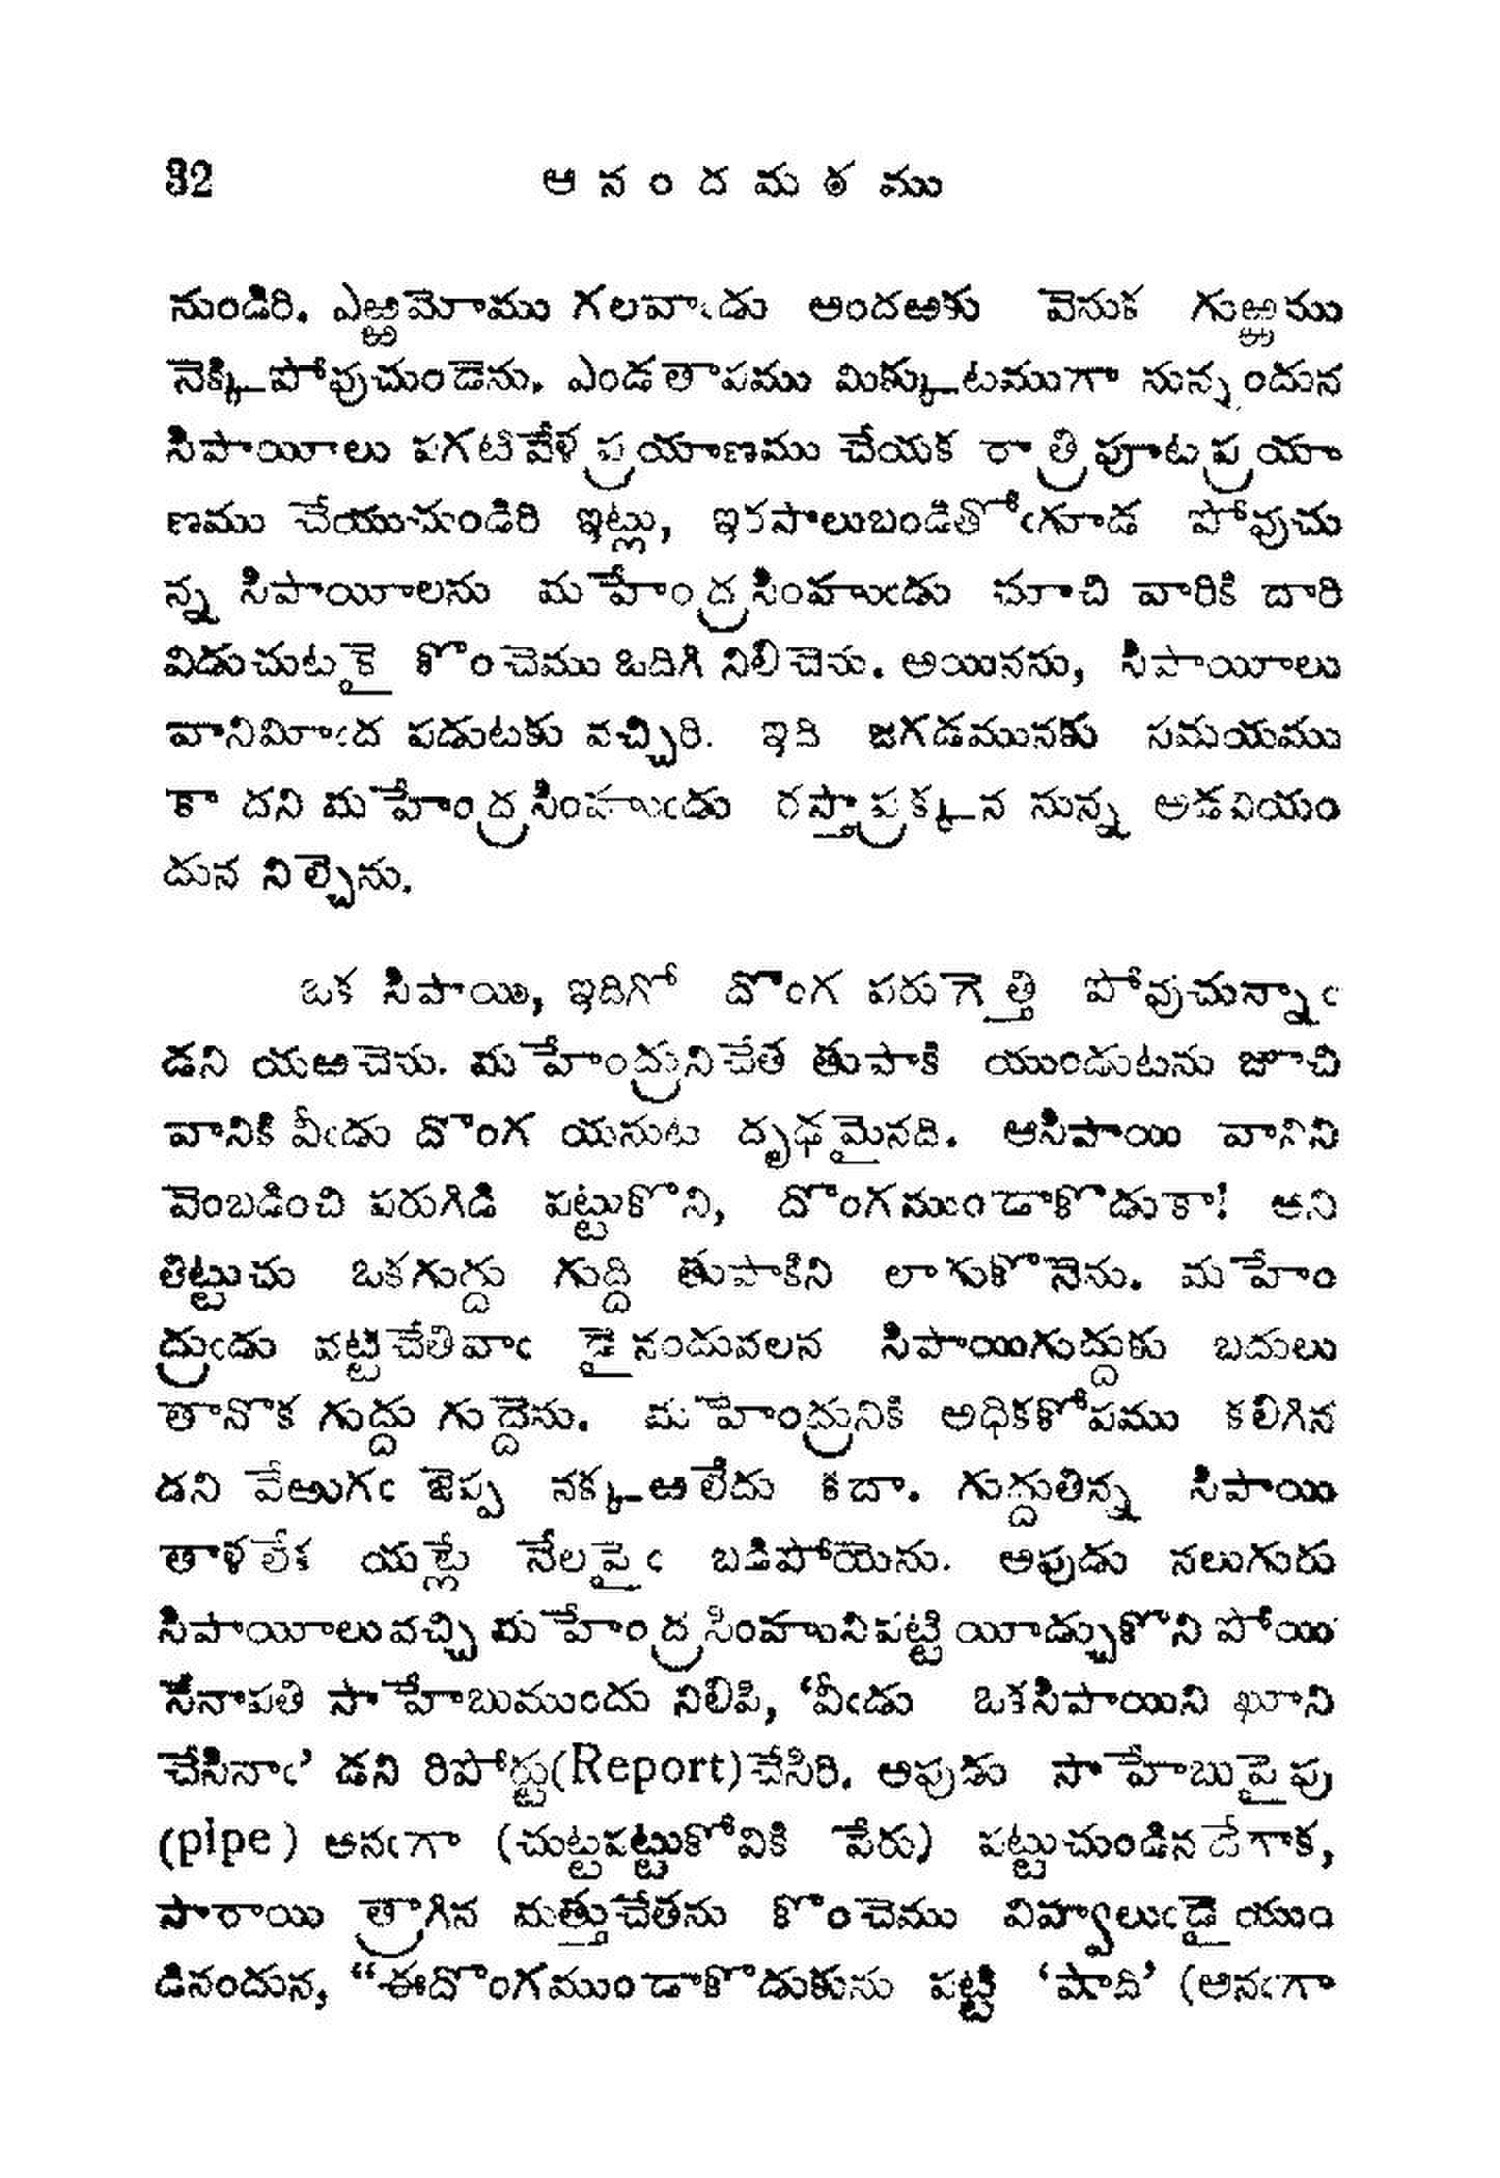నుండిరి. ఎఱ్ఱమోము గలవాఁడు అందఱకు వెనుక గుఱ్ఱము నెక్కిపోవుచుండెను. ఎండ తాపము మిక్కుటముగా నున్నందున సిపాయీలు పగటి వేళ ప్రయాణము చేయక రాత్రి పూట ప్రయాణము చేయుచుండిరి ఇట్లు, ఇరసాలుబండితోఁగూడ పోవుచున్న సిపాయీలను మహేంద్రసింహుడు చూచి వారికి దారి విడుచుటకై కొంచెము ఒదిగి నిలిచెను. అయినను, సిపాయీలు వానిమీఁద పడుటకు వచ్చిరి. ఇది జగడమునకు సమయము కాదని మహేంద్ర సింహుఁడు రస్తా ప్రక్కన నున్న అడవియందున నిల్చెను.

ఒక సిపాయి, ఇదిగో దొంగ పరుగెత్తి పోవుచున్నాఁడని యఱచెను. మహేంద్రుని చేత తుపాకి యుండుటను జూచి వానికి వీఁడు దొంగ యనుట దృఢమైనది. ఆసిపాయి వానిని వెంబడించి పరుగిడి పట్టుకొని, దొంగముండాకొడుకా ! అని తిట్టుచు ఒక గుద్దు గుద్ది తుపాకిని లాగుకొనెను. మహేంద్రుఁడు వట్టిచేతివాఁ డైనందువలన సిపాయిగుద్దుకు బదులు తానొక గుద్దు గుద్దెను. మహేంద్రునికి అధిక కోపము కలిగిన
డని వేఱుగఁ జెప్ప నక్కఱలేదు కదా. గుద్దుతిన్న సిపాయి తాళ లేక యట్లే నేలపైఁ బడిపోయెను. అపుడు నలుగురు సిపాయీలు వచ్చి మహేంద్ర సింహుని పట్టి యీడ్చుకొని పోయి సేనాపతి సాహేబుముందు నిలిపి, 'వీఁడు ఒక సిపాయిని ఖూని చేసినాఁ' డని రిపోర్టు(Report) చేసిరి. అపుడు సాహేబు పైపు(pipe) అనఁగా (చుట్టపట్టుకోవికి పేరు) పట్టుచుండినసేగాక, సారాయి త్రాగిన మత్తు చేతను కొంచెము విహ్వలుఁడై యుండినందున, “ఈదొంగముండాకొడుకును పట్టి 'షాదీ' (ఆనఁగా